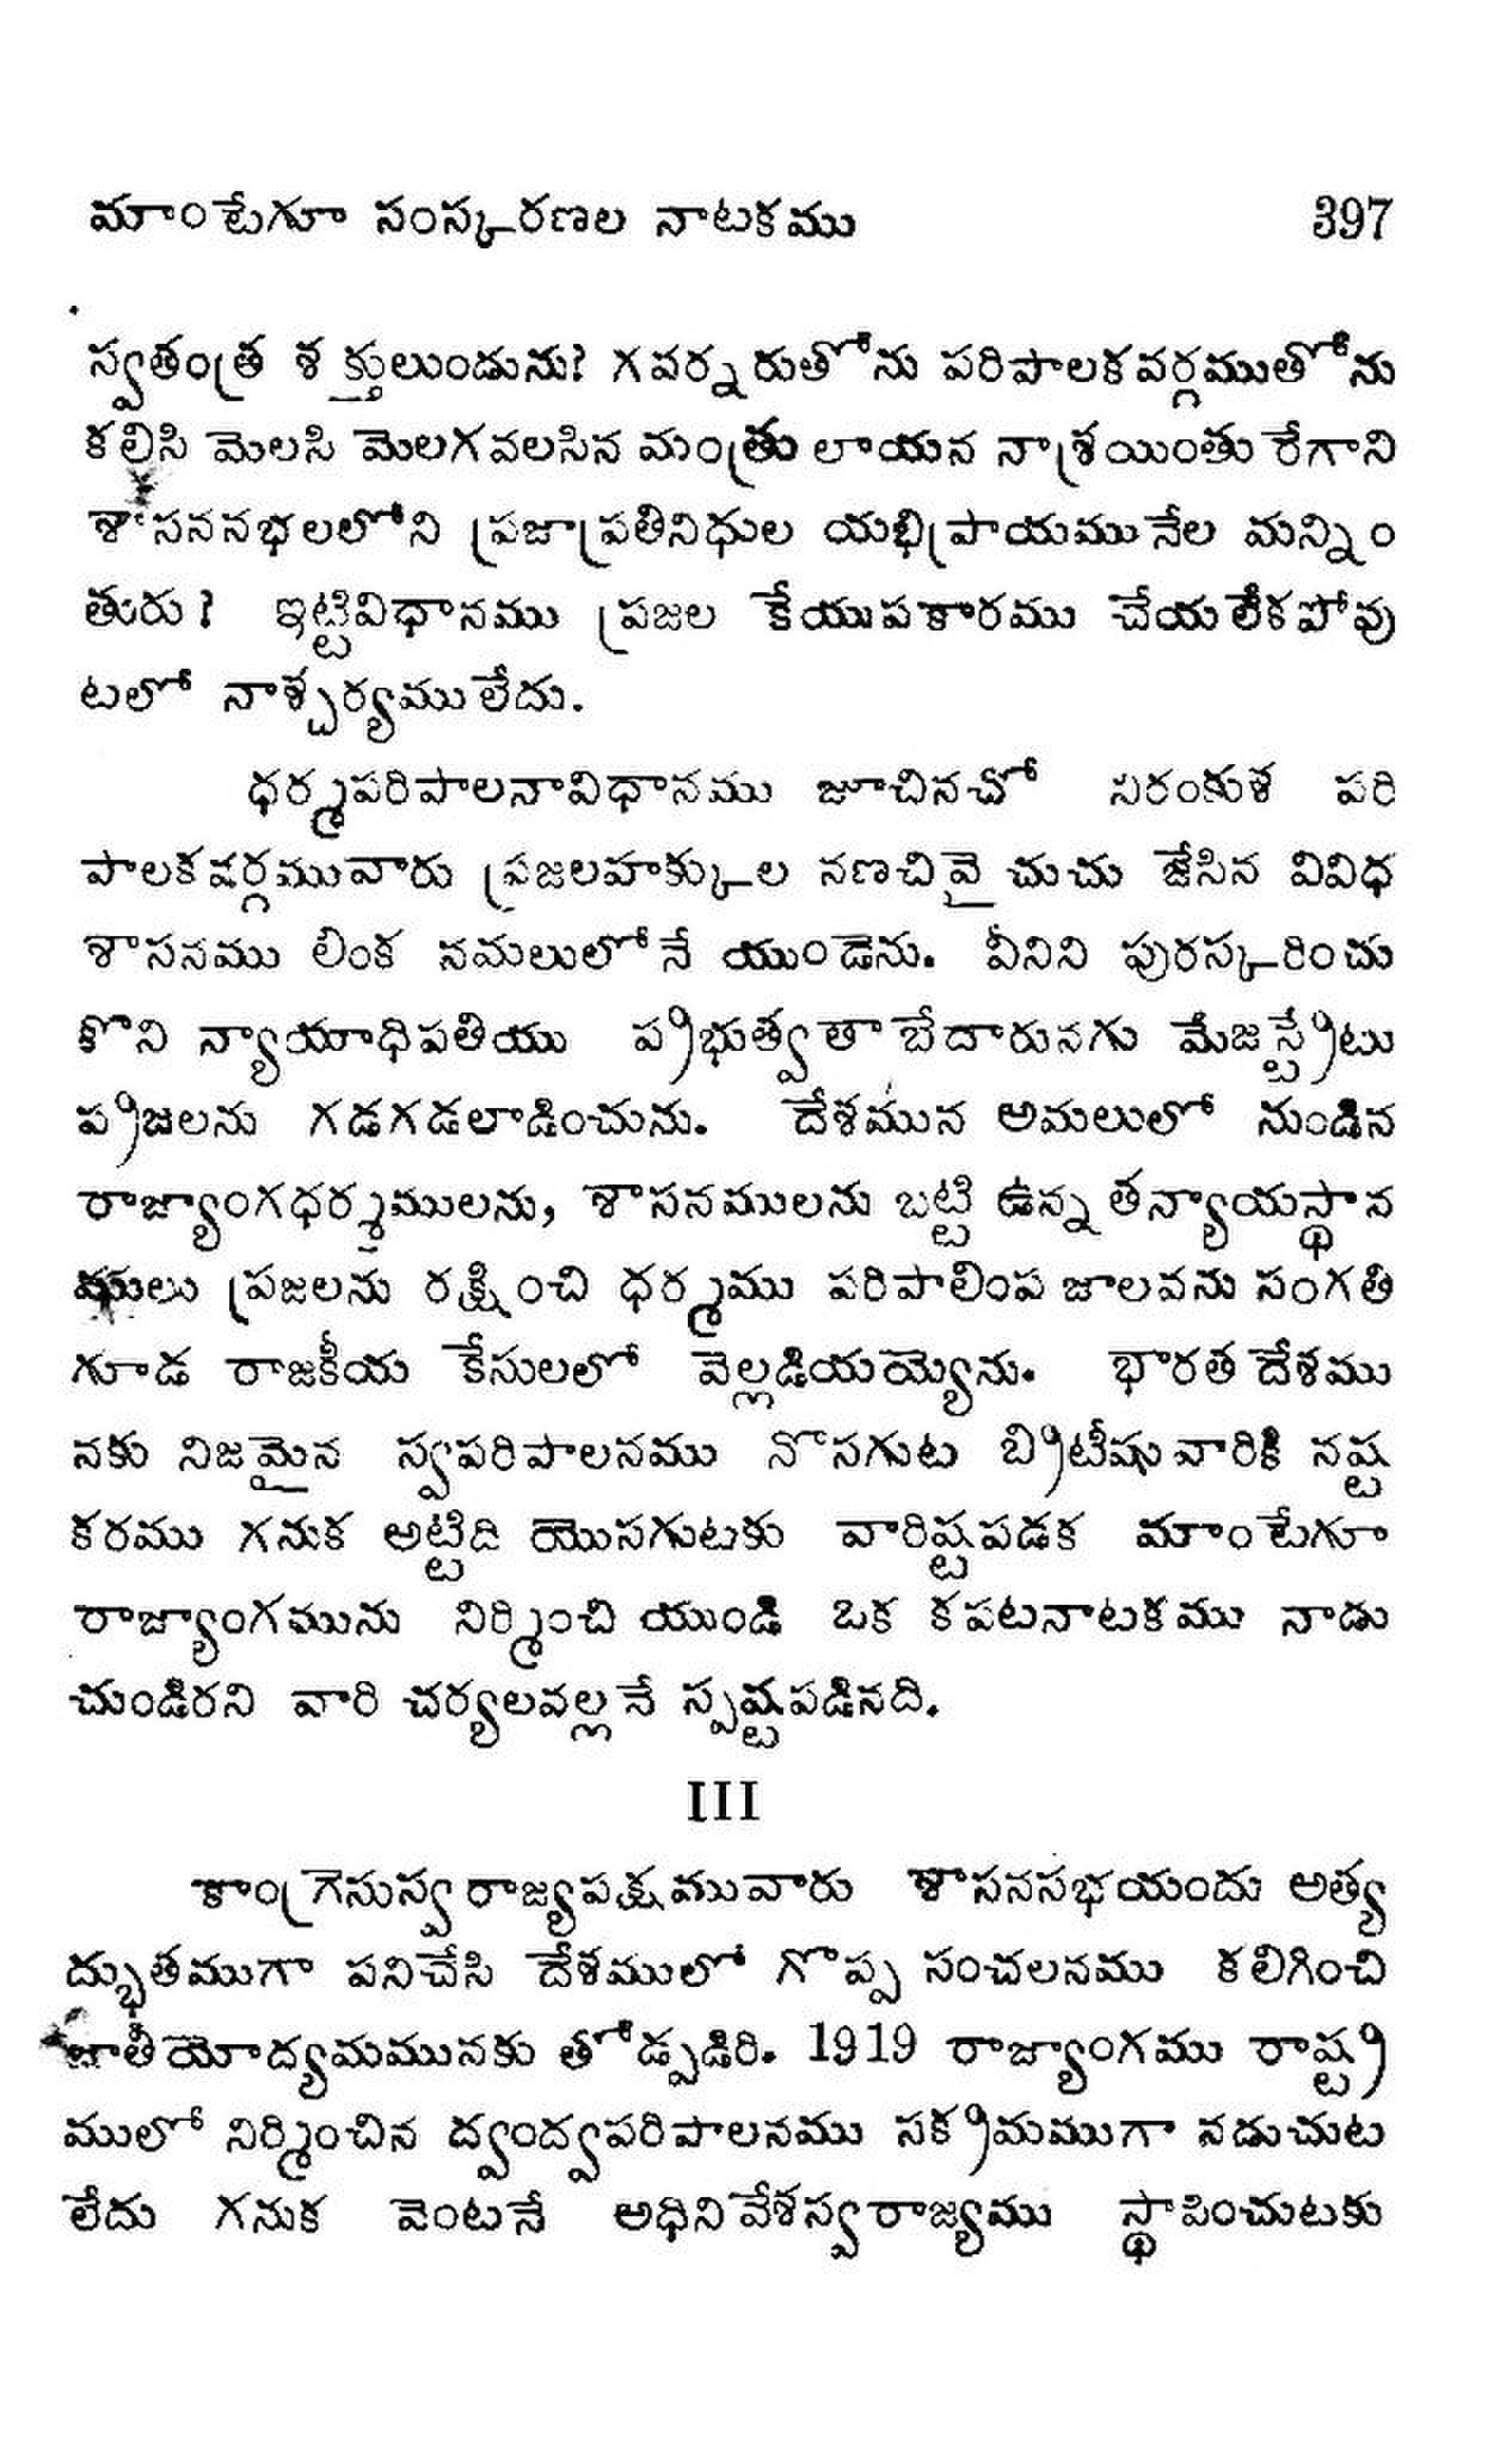స్వతంత్ర శక్తులుండును? గవర్నరుతోను పరిపాలకవర్గముతోను కలిసి మెలసి మెలగవలసిన మంత్రు లాయన నాశ్రయింతురేగాని శాసనసభలలోని ప్రజాప్రతినిధుల యభిప్రాయమునేల మన్నింతురు? ఇట్టివిధానము ప్రజల కేయుపకారము చేయలేకపోవుటలో నాశ్చర్యములేదు.

ధర్మపరిపాలనావిధానము జూచినచో నిరంకుశ పరిపాలకవర్గమువారు ప్రజలహక్కుల నణచివైచుచు జేసిన వివిధ శాసనము లింక నమలులోనే యుండెను. వీనిని పురస్కరించుకొని న్యాయాధిపతియు ప్రభుత్వతాబేదారునగు మేజిస్ట్రేటు ప్రజలను గడగడలాడించును. దేశమున అమలులో నుండిన రాజ్యాంగధర్మములను, శాసనములను బట్టి ఉన్నతన్యాయస్థానములు ప్రజలను రక్షించి ధర్మము పరిపాలింప జాలవను సంగతి గూడ రాజకీయ కేసులలో వెల్లడియయ్యెను. భారతదేశమునకు నిజమైన స్వపరిపాలనము నొసగుట బ్రిటీషువారికి నష్టకరము గనుక అట్టిది యొసగుటకు వారిష్టపడక మాంటేగూ రాజ్యాంగమును నిర్మించి యుండి ఒక కపటనాటకము నాడుచుండిరని వారి చర్యలవల్లనే స్పష్టపడినది.

III

కాంగ్రెసుస్వరాజ్యపక్షమువారు శాసనసభయందు అత్యద్భుతముగా పనిచేసి దేశములో గొప్ప సంచలనము కలిగించి జాతీయోద్యమమునకు తోడ్పడిరి. 1919 రాజ్యాంగము రాష్ట్రములో నిర్మించిన ద్వంద్వపరిపాలనము సక్రమముగా నడుచుట లేదు గనుక వెంటనే అధినివేశస్వరాజ్యము స్థాపించుటకు